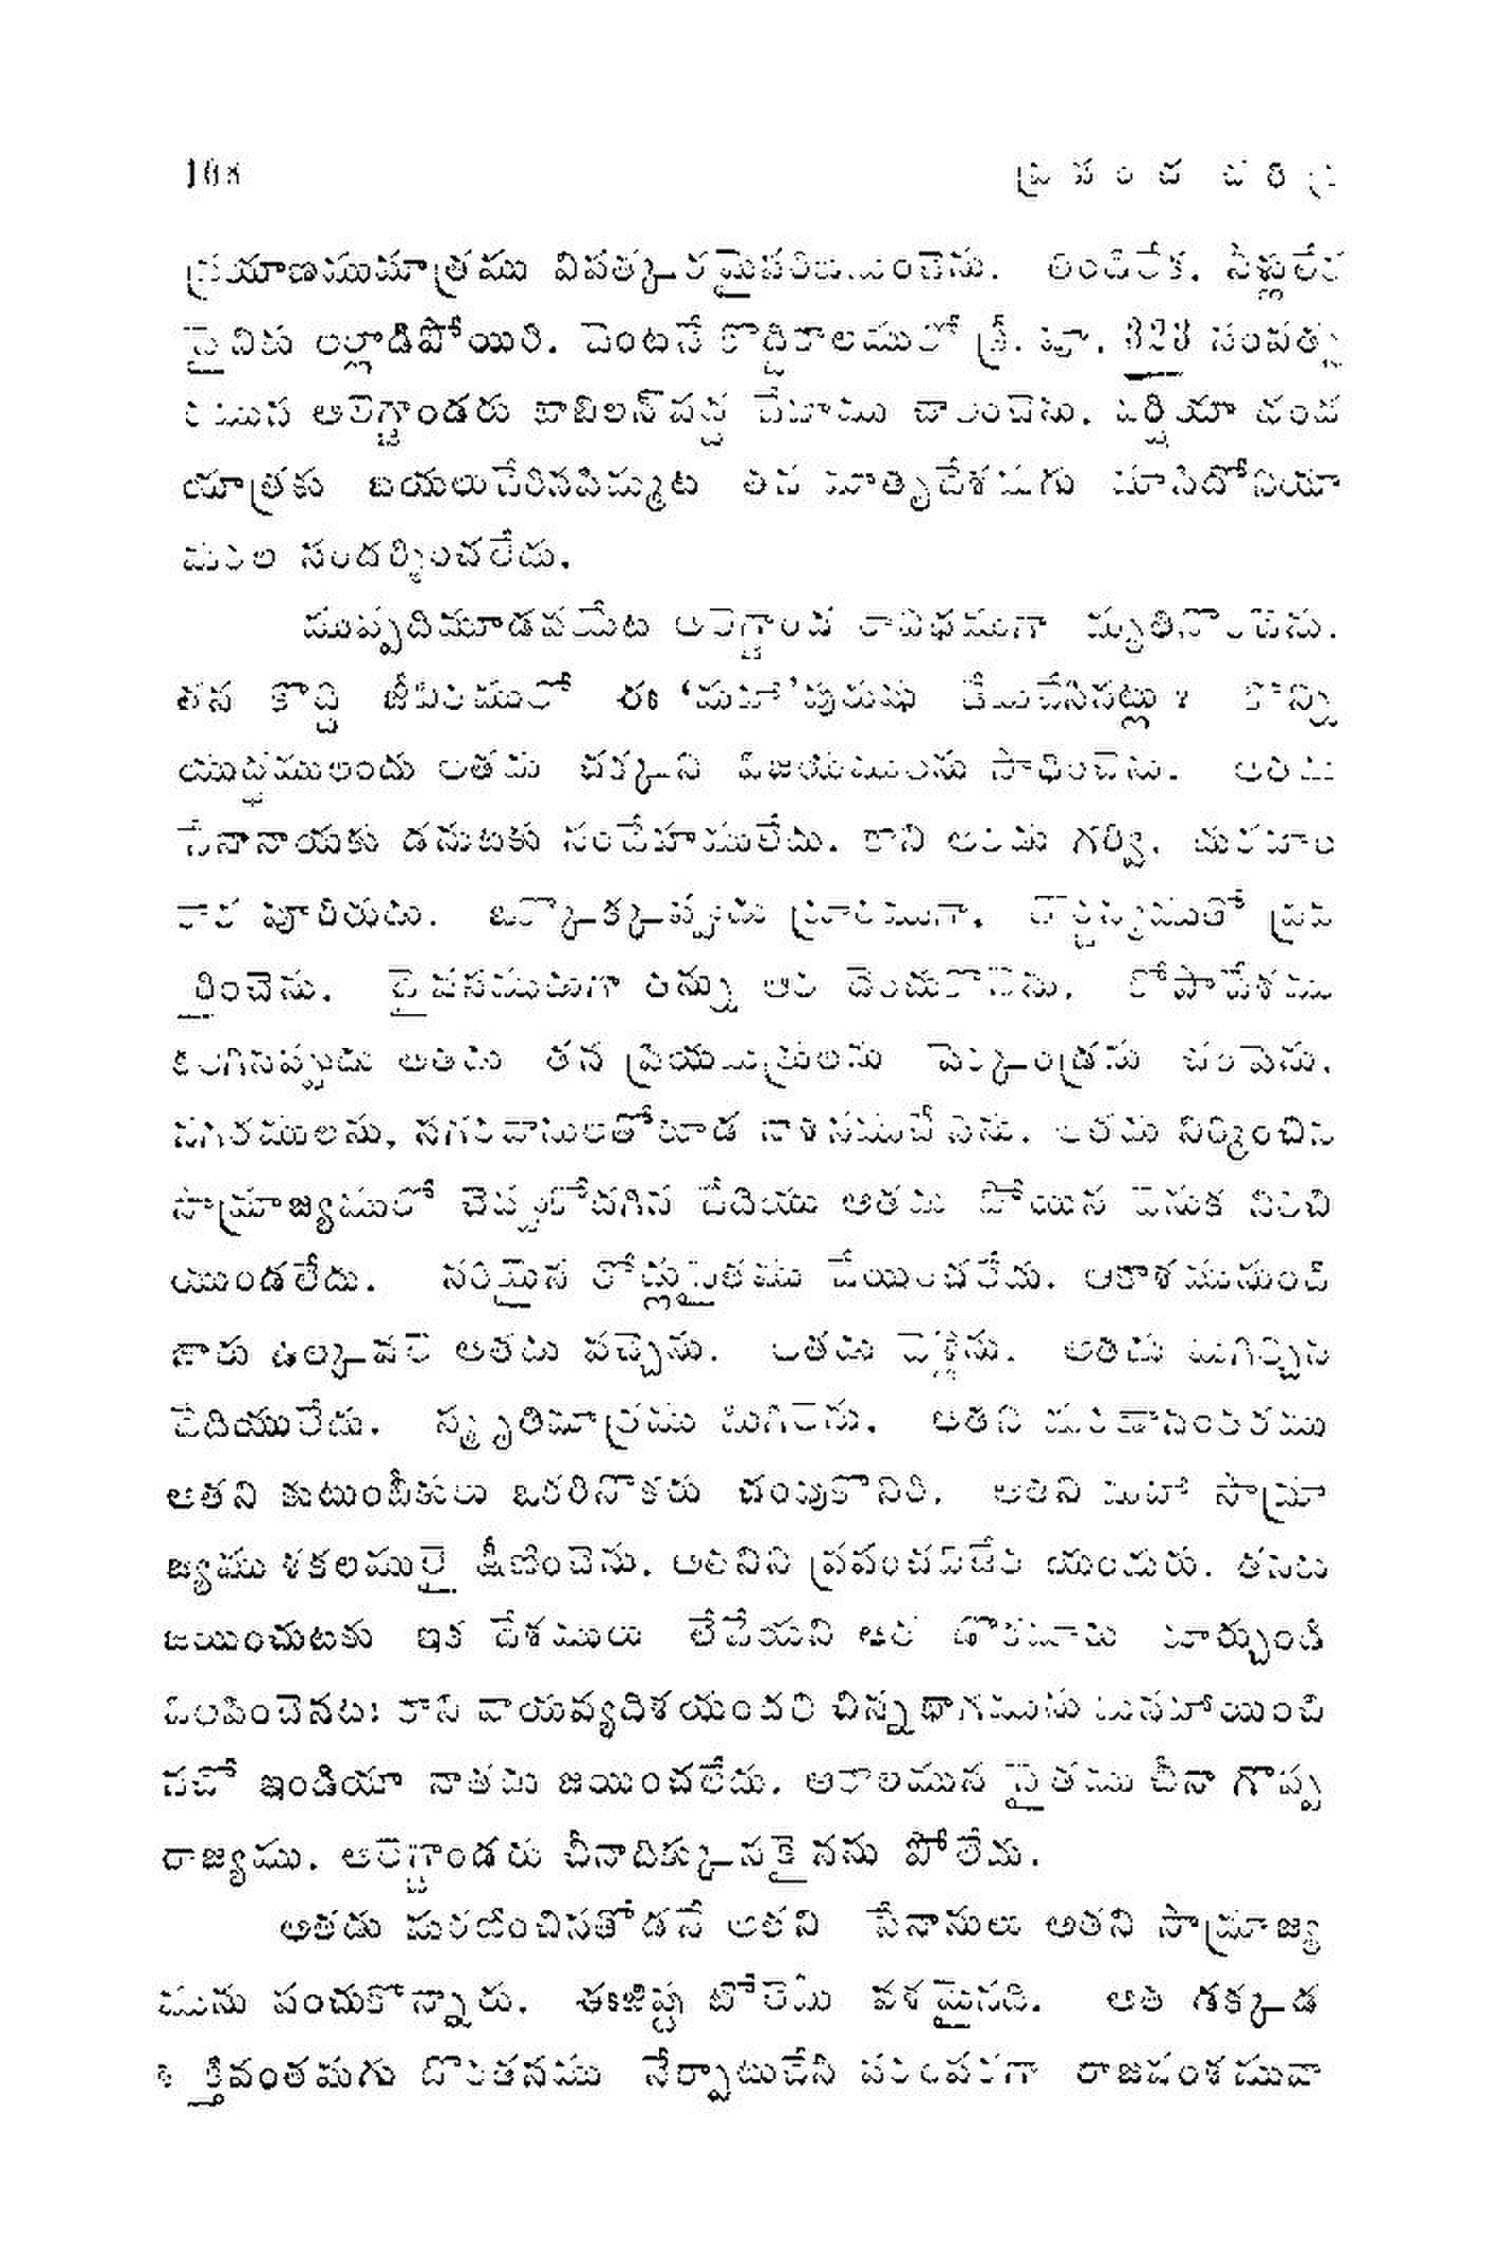ప్రయాణముమాత్రము విపత్కరమైపరిణమించెను. తిండిలేక, నీళ్లులేక సైనికు లల్లాడిపోయిరి. వెంటనే కొద్దికాలములో క్రీ. పూ. 323 సంవత్సరమున అలెగ్జాండరు బాబిలన్‌వద్ద దేహము చాలించెను. పర్షియా దండయాత్రకు బయలుదేరినపిమ్మట తన మాతృదేశమగు మాసిడోనియా మరల సందర్శించలేదు.

ముప్పదిమూడవయేట అలెగ్జాండ రావిధముగ మృతినొందెను. తన కొద్ది జీవితములో ఈ 'మహా'పురుషు డేమిచేసినట్లు? కొన్ని యుద్ధములందు అతడు చక్కని విజయములను సాధించెను. అతడు సేనానాయకు డనుటకు సందేహములేదు. కాని అతడు గర్వి. దురహంకార పూరితుడు. ఒక్కొక్కప్పుడు క్రూరముగా, దౌర్జన్యముతో ప్రవర్తించెను. దైవసముడుగా తన్ను అత డెంచుకొనెను. కోపావేశము కలిగినప్పుడు అతడు తన ప్రియమిత్రులను పెక్కండ్రను చంపెను. నగరములను, నగరవాసులతోకూడ నాశనముచేసెను. అతడు నిర్మించిన సామ్రాజ్యములో చెప్పుకోదగిన దేదియు అతడు పోయిన వెనుక నిలిచి యుండలేదు. సరియైన రోడ్లుసైతము వేయించలేదు. ఆకాశమునుండి జారు ఉల్కవలె అతడు వచ్చెను. అతడు వెళ్లెను. అతడు మిగిల్చిన దేదియులేదు. స్మృతిమాత్రము మిగిలెను. అతని మరణానంతరము అతని కుటుంబీకులు ఒకరినొకరు చంపుకొనిరి. అతని మహా సామ్రాజ్యము శకలములై క్షీణించెను. అతనిని ప్రపంచవిజేత యందురు. తనకు జయించుటకు ఇక దేశములు లేవేయని అత డొకమారు కూర్చుండి విలపించెనట! కాని వాయవ్యదిశ యందలి చిన్నభాగమును మినహాయించినచో ఇండియా నాతడు జయించలేదు. అకాలమున సైతము చీనా గొప్ప రాజ్యము. అలెగ్జాండరు చీనాదిక్కునకైనను పోలేదు.

అతడు మరణించినతోడనే అతని సేనానులు అతని సామ్రాజ్యమును పంచుకొన్నారు. ఈజిప్టు టోలేమీ వశమైనది. అత డక్కడ శక్తివంతమగు దొరతనము నేర్పాటుచేసి పరంపరగా రాజవంశమువా